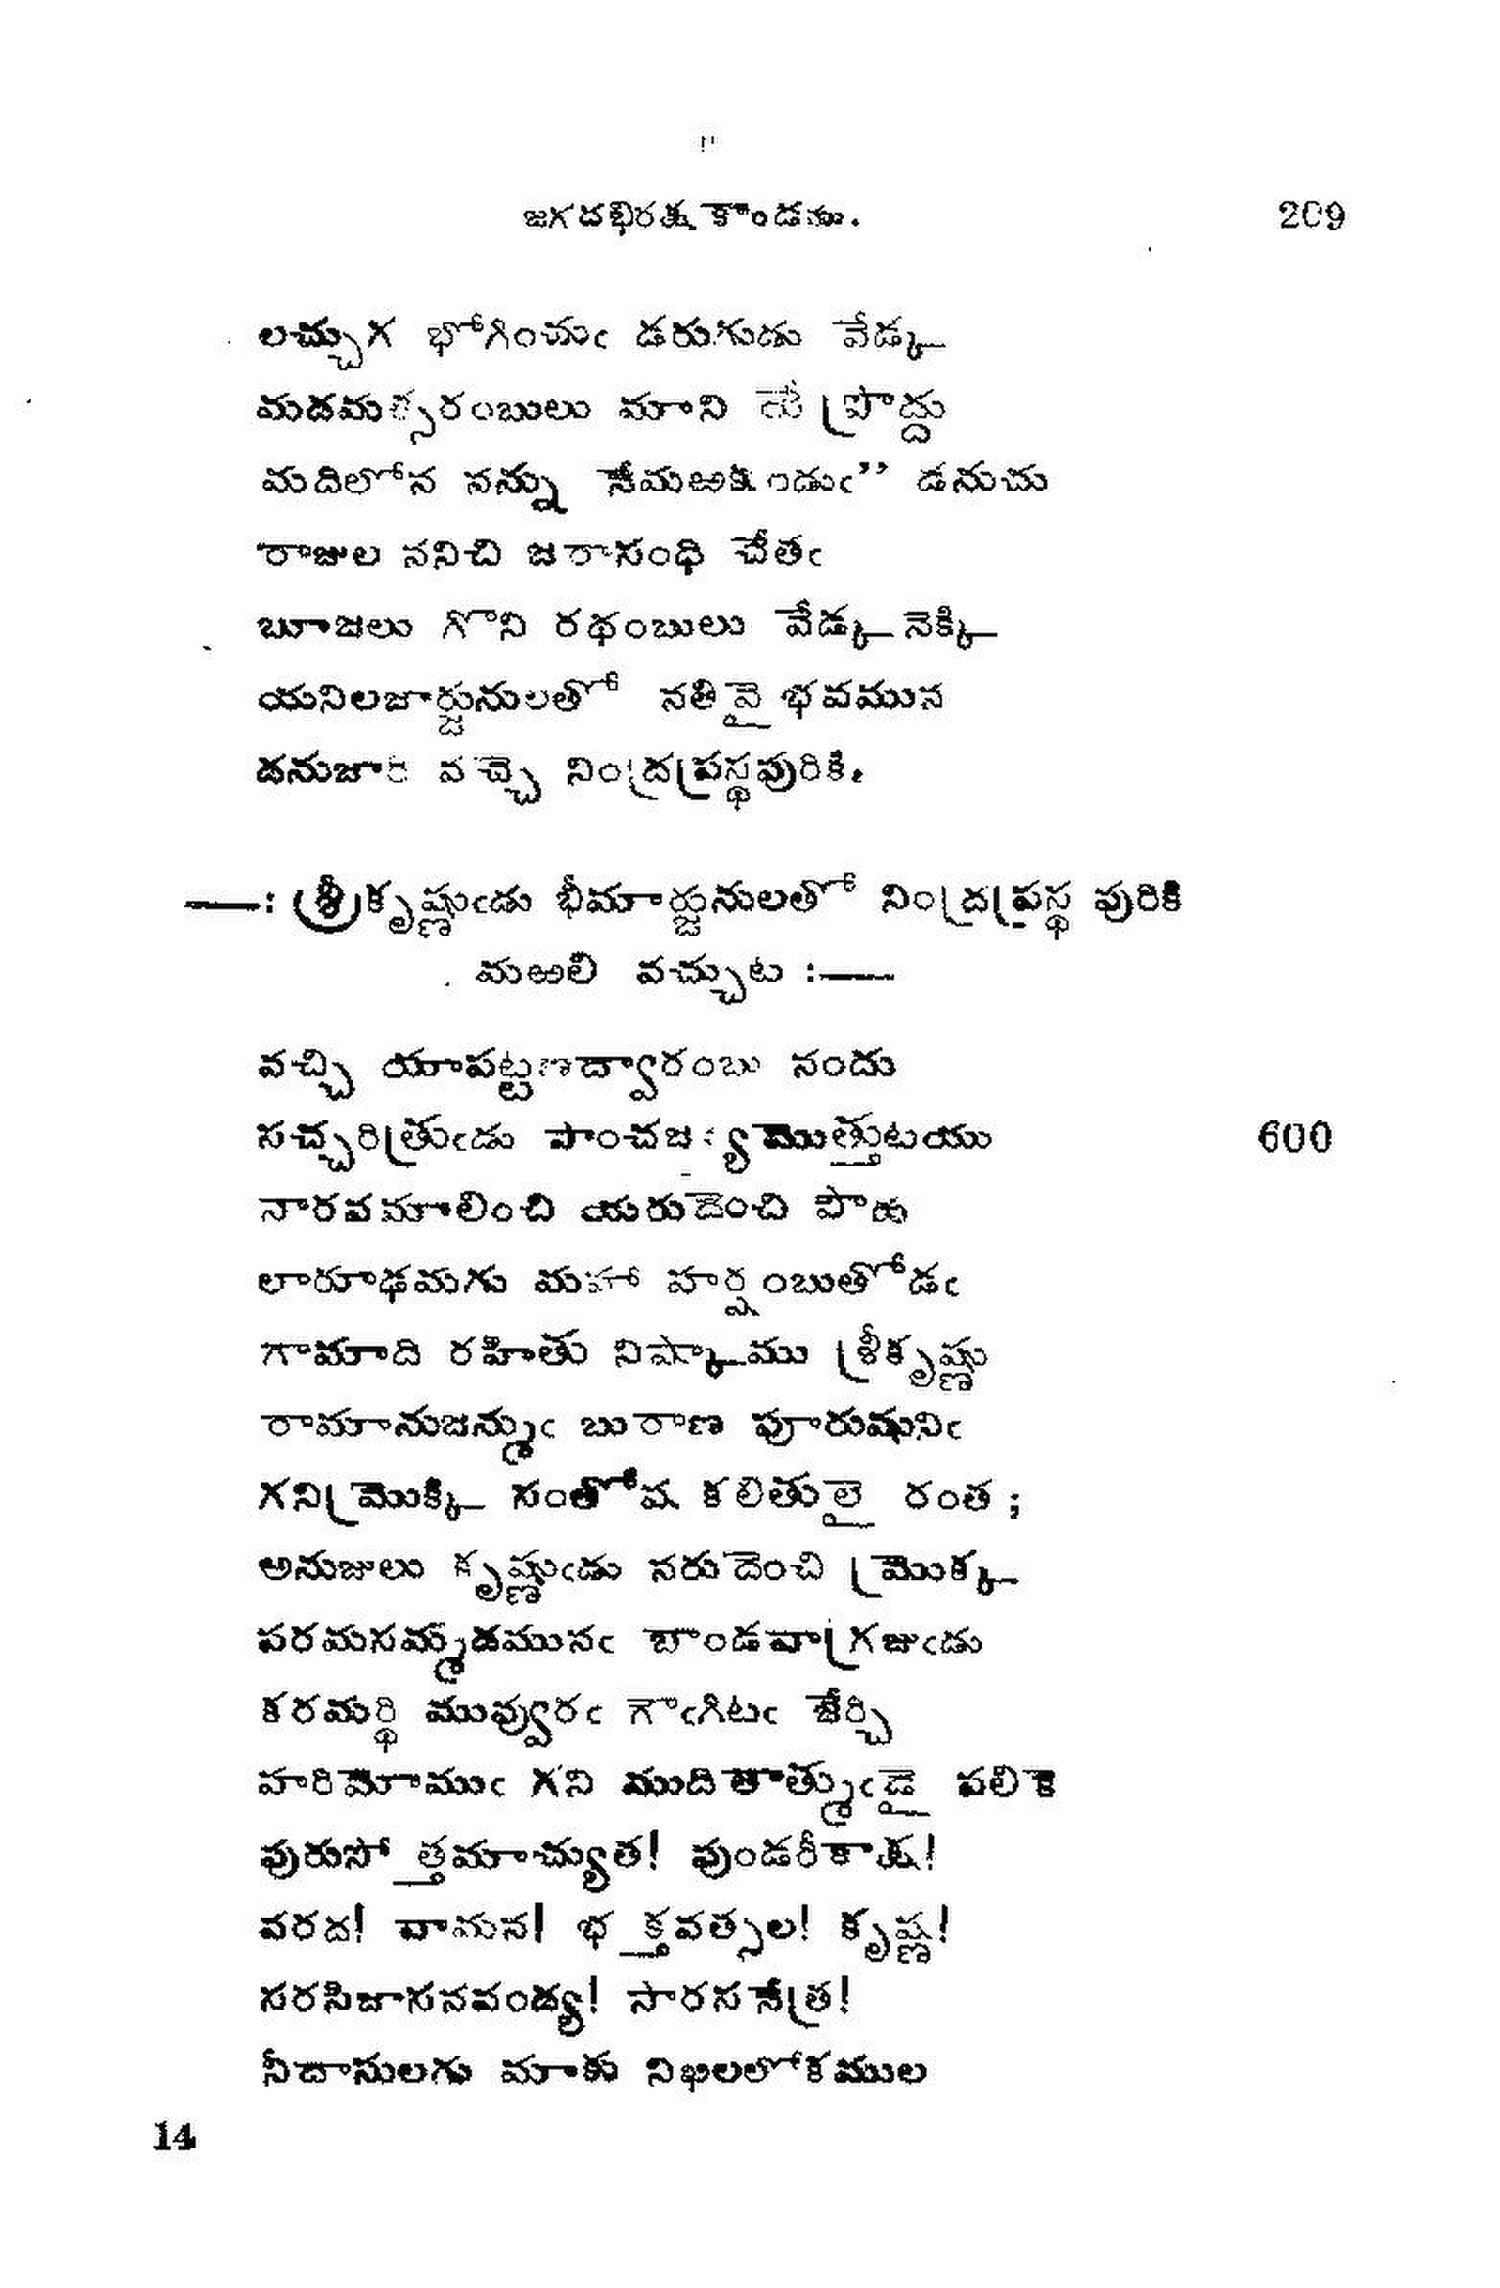లచ్చుగ భోగించుఁ డరుగుడు వేడ్క
మదమత్సరంబులు మాని యేప్రొద్దు
మదిలోన నన్ను నేమఱకుండుఁ” డనుచు
రాజుల ననిచి జరాసంధి చేతఁ
బూజలు గొని రథంబులు వేడ్క నెక్కి
యనిలజార్జునులతో యతివైభవమున
దనుజారి వచ్చె నింద్రప్రస్థపురికి.

వచ్చి యాపట్టణద్వారంబు నందు
సచ్చరిత్రుఁడు పాంచజన్యమొత్తుటయు
నారవమాలించి యరుదెంచి పౌరు
లారూఢమగు మహా హర్షంబుతోడఁ
గామాది రహితు నిష్కాము శ్రీకృష్ణు
రామానుజన్ముఁ బురాణ పూరుషునిఁ
గనిమొక్కి సంతోష కలితులై రంత; 
అనుజులు కృష్ణుఁడు నరుదెంచి మ్రొక్క
పరమసమ్మదమునఁ బాండవాగ్రజుఁడు
కరమర్థి మువ్వురఁ గౌఁగిటఁ జేర్చి
హరిమోముఁ గని ముదితాత్ముఁడై పలికె
“పురుషోత్తమాచ్యుత! పుండరీకాక్ష! 
వరద! వామన! భక్తవత్సల! కృష్ణ! 
సరసిజాసనవంద్య! సారసనేత్ర! 
నీదాసులగు మాకు నిఖిలలోకముల